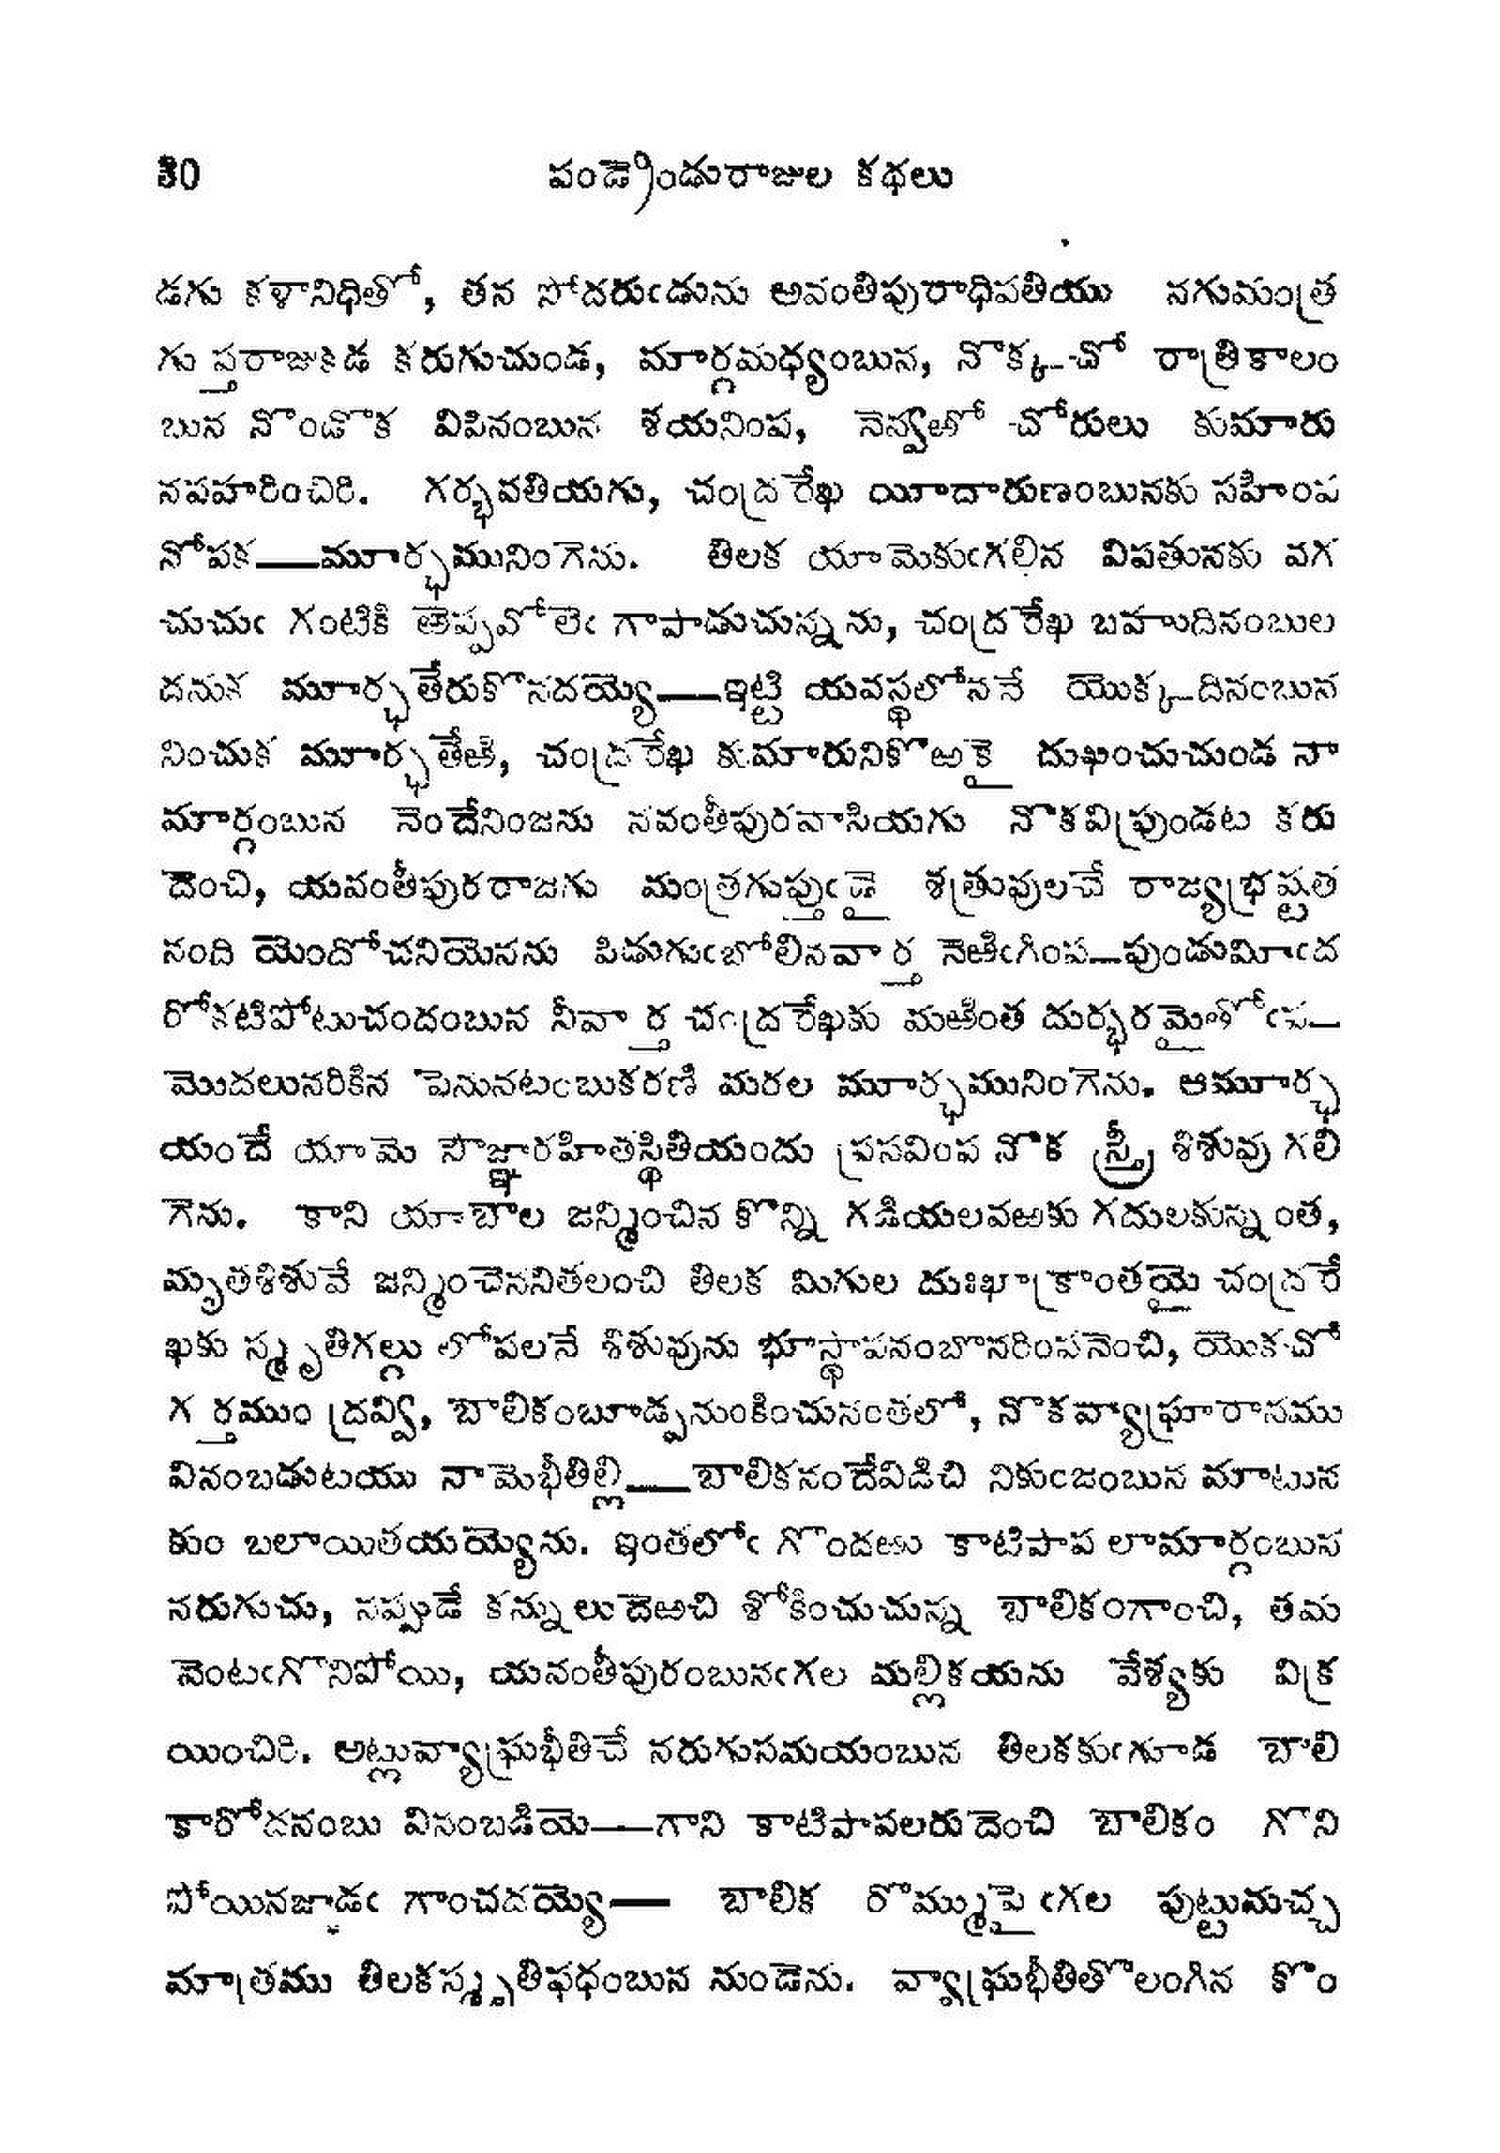డగు కళానిధితో, తన సోదరుఁడును అవంతి పురాధిపతియు నగుమంత్ర గుప్తరాజు కడ కరుగుచుండ, మార్గమధ్యంబున, నొక్కచో రాత్రికాలంబున నొండొక విపినంబున శయనింప, నెవ్వఱో చోరులు కుమారు నపహరించిరి. గర్భవతియగు, చంద్రరేఖ యీదారుణంబునకు సహింప నోపక——మూర్ఛమునింగెను. తిలక యామెకుఁగల్గిన విపత్తునకు పగచుచుఁ గంటికి ఱెప్పవోలెఁ గాపాడుచున్నను, చంద్రరేఖ బహుదినంబుల దనుక మూర్ఛ తేరుకొనదయ్యె—— ఇట్టి యవస్థలోననే యొక్క దినంబున నించుక' మూర్ఛ తేఱి, చంద్రరేఖ కుమారునికొఱకై దుఃఖించుచుండ నా మార్గంబున నెం దేనింజను నవంతీపుర వాసియగు నొకవిఫ్రుండట కరుదెంచి, యవంతీపుర రాజగు మంత్రగుప్తుఁడై శత్రువులచే రాజ్యభ్రష్టత నంది యెందో చనియెనను పిడుగుఁబోలినవార్త నెఱిఁగింప——పుండుమీఁద రోకటిపోటుచందంబున నీవార్త చంద్రరేఖకు మఱింత దుర్భరమైతోఁప——మొదలునరికిన పెనువటంబుకరణి మరల మూర్ఛమునింగెను. ఆమూర్ఛయందే యామె సౌజ్జారహిత స్థితియందు ప్రసవింప నొక స్త్రీ శిశువు గలిగెను. కాని యాబాల జన్మించిన కొన్ని గడియలవఱకు గదులకున్నంత,
మృతశిశువే జన్మించెనని తలంచి తిలక మిగుల దుఃఖాక్రాంతయై చంద్రరేఖకు స్మృతిగల్లు లోపలనే శిశువును భూస్థాపనం బొనరింపనెంచి, యొకచో గర్తముం ద్రవ్వి, 'బాలికంబూడ్పనుం కించునంతలో, నొకవ్యాఘ్రారాసము వినంబడుటయు నామెభీతిల్లి——బాలిక నందేవిడిచి నికుంజంబున మాటునకుం బలాయితయయ్యెను. ఇంతలోఁ గొందఱు కాటిపాప లామార్గంబున నరుగుచు, నప్పుడే కన్నులు దెఱచి శోకించుచున్న బాలికంగాంచి, తమ వెంటఁ గొనిపోయి, యవంతీ పురంబునఁగల మల్లికయను వేశ్యకు విక్రయించిరి. అట్లు వ్యాఘ్రభీతిచే నరుగుసమయంబున తిలకకుఁ గూడ బాలి
కారోదనంబు వినంబడియె—— గాని కాటిపాపలరు దెంచి బాలికం గొని పోయినజాడఁ గాంచదయ్యె——బాలిక రోమ్ముపైఁ గల పుట్టుమచ్చ మాత్రము తిలకస్మృతిపధంబున నుండెను. వ్యాఘ్రభీతితొలంగిన కొం